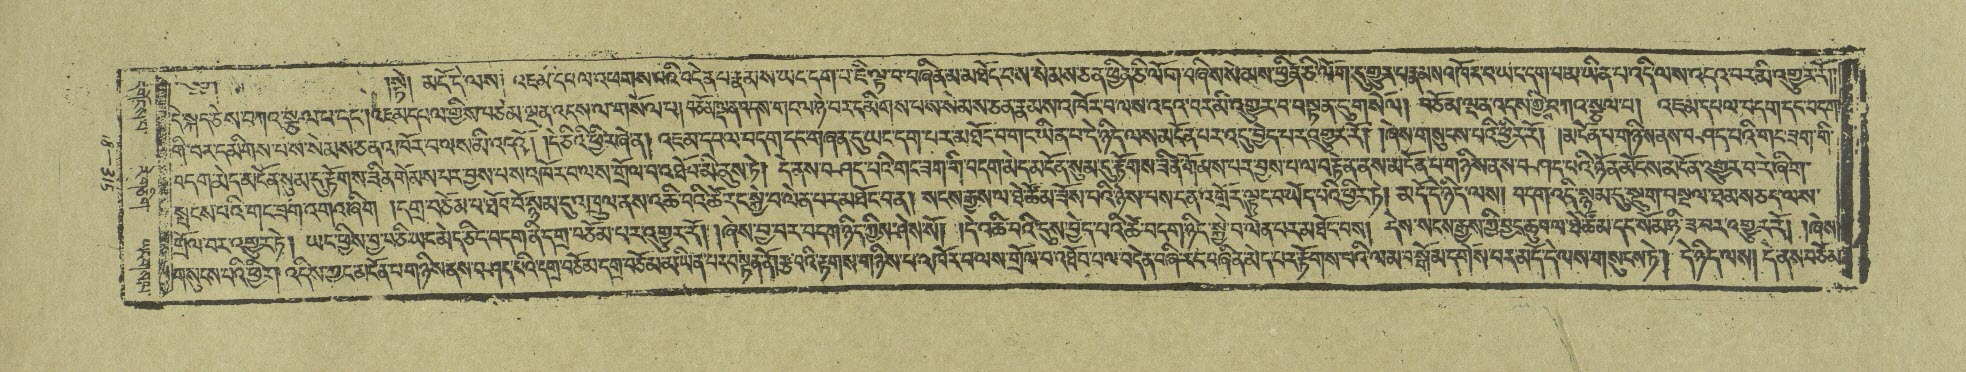༄༅། །སྟེ། མདོ་དེ་ལས། འཇམ་དཔལ་འཕགས་པའི་བདེན་པ་རྣམས་ཡང་དག་པ་ཇི་ལྟ་བ་བཞིན་མ་མཐོད་པས་སེམས་ཅན་ཕྱིན་ཅི་ལོག་བཞིས་སེམས་ཕྱིན་ཅི་ལོག་དུ་གྱུར་པ་རྣམས་འཁོར་བ་ཡང་དག་པ་མ་ཡིན་པ་འདི་ལས་འདའ་བར་མི་འགྱུར་རོ་
དེ་སྐད་ཅེས་བཀའ་སྩལ་པ་དང་། འཇམ་དཔལ་གྱིས་བཅོམ་ལྡན་འདས་ལ་གསོལ་པ། བཅོམ་ལྡན་འདས་གང་ལ་ཉེ་བར་དམིགས་པས་སེམས་ཅན་རྣམས་འཁོར་བ་ལས་འདའ་བར་མི་འགྱུར་བ་བསྟན་དུ་གསོལ། བཅོམ་ལྡན་འདས་ཀྱིས་བཀའ་སྩལ་པ། འཇམ་དཔལ་བདག་དང་བདག་
གི་པར་དམིགས་པས་སེམས་ཅན་འཁོར་བ་ལས་མི་འདའོ། །དེ་ཅིའི་ཕྱིར་ཞེ་ན། འཇམ་དཔལ་བདག་དང་གཞན་དུ་ཡང་དག་པར་མཐོང་བ་གང་ཡིན་པ་དེ་ཉིད་ལས་མངོན་པར་འདུ་བྱེད་པར་འགྱུར་རོ། །ཞེས་གསུངས་པའི་ཕྱིར་རོ། །མངོན་པ་གཉིས་ནས་བཤད་པའི་གང་ཟག་གི་
བདག་མེད་མངོན་སུམ་དུ་རྟོགས་ཟིན་གོམས་པར་བྱས་པས་འཁོར་བ་ལས་གྲོལ་བ་འཐོབ་མི་ནུས་ཏེ། དེ་ནས་བཤད་པའི་གང་ཟག་གི་བདག་མེད་མངོན་སུམ་དུ་རྟོགས་ཟིན་གོམས་པར་བྱས་པ་ལ་བརྟེན་ནས་མངོན་པ་གཉིས་ནས་བཤད་པའི་ཉོན་མོངས་མངོན་འགྱུར་བ་རེ་ཞིག་
སྤངས་པའི་གང་ཟག་འགའ་ཞིག །དགྲ་བཅོམ་པ་ཐེབ་པོ་སྙམ་དུ་འཁྲུལ་ནས་འཆི་བའི་ཚེ་རང་སྐྱེ་བ་ལེན་པར་མཐོང་བ་ན། སངས་རྒྱས་ལ་ཐེ་ཚོམ་ཟོས་པའི་ཉེས་པས་ངན་འགྲོར་ལྟུང་བ་ཡོད་པའི་ཕྱིར་ཏེ། མདོ་དེ་ཉིད་ལས། བདག་འདི་སྙམ་དུ་སྡུག་བསྔལ་ཐམས་ཅད་ལས་
གྲོལ་བར་འགྱུར་ཏེ། ཡང་ཕྱིས་བྱ་བ་ཅི་ཡང་མེད་ཅིང་བདག་ནི་དགྲ་བཅོམ་པར་འགྱུར་རོ། །ཞེས་བྱ་བར་བདག་ཉིད་ཀྱིས་ཤེས་སོ། །དེ་འཚི་བའི་དུས་བྱེད་པའི་ཚེ་བདག་ཉིད་སྐྱེ་བ་ལེན་པར་མཐོང་བས། དེས་སངས་རྒྱས་ཀྱི་བྱང་ཆུབ་ལ་ཐེ་ཚོམ་དང་སོམ་ཉི་ཟ་བར་འགྱུར་རོ། །ཞེས་
གསུངས་པའི་ཕྱིར། འདིས་ཀྱང་མངོན་པ་གཉིས་ནས་བཤད་པའི་དགྲ་བཅོམ་དགྲ་བཅོམ་མ་ཡིན་པར་སྟན་ནོ། རྩ་བའི་རྟགས་གཉིས་པ་འཁོར་བ་ལས་གྲེལ་བ་འཐོབ་པ་ལ་བདེན་བཞི་རང་བཞིན་མེད་པར་རྟོགས་པའི་ལམ་བསྒོམ་དགོས་པར་མདོ་དེ་ལས་གསུངས་ཏེ། དེ་ཉིད་ལས། དེ་ནས་བཅོམ་